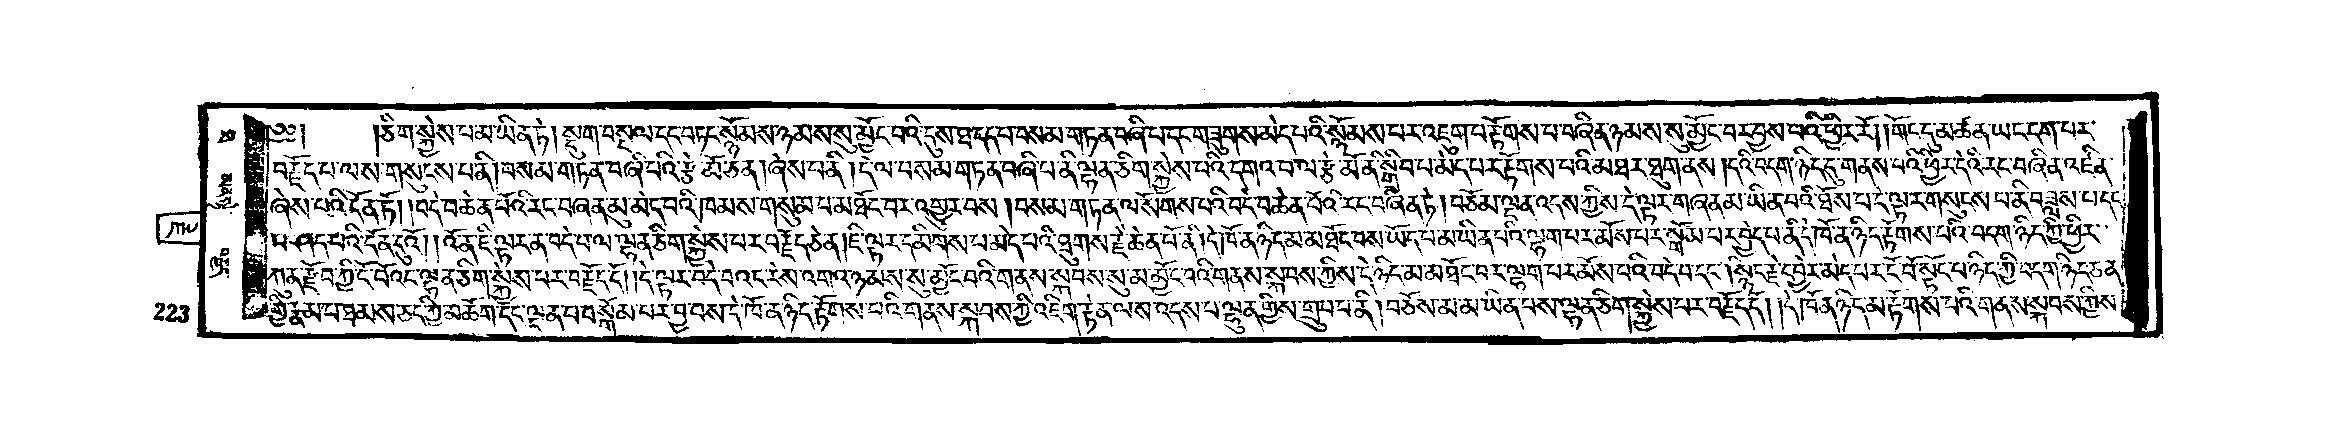༄༅། །ཅིག་སྐྱེས་པ་མ་ཡིན་ཏེ། སྡུག་བསྔལ་དང་བཏང་སྙོམས་ཉམས་སུ་མྱོང་བའི་དུས་ཐ་དད་པ་བསམ་གཏན་བཞི་པ་དང་གཟུགས་མེད་པའི་སྙོམས་པར་འཇུག་པ་རྟོགས་པ་བཞིན་ཉམས་སུ་མྱོང་བར་བྱས་པའི་ཕྱིར་རོ། །གོང་དུ་མཚན་ཡང་དག་པར་
བརྗོད་པ་ལས་གསུངས་པ་ནི། བསམ་གཏན་བཞི་པའི་རྩེ་མོ་ཅན། ཞེས་པ་ནི། དེ་ལ་བསམ་གཏན་བཞི་པ་ནི་ལྷན་ཅིག་སྐྱེས་པའི་དགའ་བ་ལ་རྩེ་མོ་ནི་སྒྲིབ་པ་མེད་པར་རྟོགས་པའི་མཐར་ཐུག་ནས། དེའི་བདག་ཉིད་དུ་གནས་པའི་ཕྱིར་དེའི་རང་བཞིན་འཛིན་
ཞེས་པའི་དོན་ཏོ། །བདེ་བ་ཆེན་པོའི་རང་བཞིན་མུ་མེད་པའི་ཁམས་གསུམ་པ་མཐོང་བར་འགྱུར་བས། བསམ་གཏན་ལ་སོགས་པའི་བདེ་བ་ཆེན་པོའི་རང་བཞིན་ཏེ། བཅོམ་ལྡན་འདས་ཀྱིས་དེ་ལྟར་གཞན་མ་ཡིན་པའི་ཐོས་པ་དེ་ལྟར་གསུངས་པ་ནི་བཟླས་པ་དང་
བཤད་པའི་དོན་དུའོ། །འོ་ན་ཇི་ལྟར་ན་བདེ་བ་ལ་ལྷན་ཅིག་སྐྱེས་པར་བརྗོད་ཅེ་ན། ཇི་ལྟར་དམིགས་པ་མེད་པའི་ཐུགས་རྗེ་ཆེན་པོ་ནི། དེ་ཁོ་ན་ཉིད་མ་མཐོང་བས་ཡོད་པ་མ་ཡིན་པའི་ལྷག་པར་མོས་པར་སྒོམ་པར་བྱེད་པ་ནི་དེ་ཁོ་ན་ཉིད་རྟོགས་པའི་བདག་ཉིད་ཀྱི་ཕྱིར་
ཀུན་རྫོབ་ཀྱི་ངོ་བོའང་ལྷན་ཅིག་སྐྱེས་པར་བརྗོད་དོ། །དེ་ལྟར་བདེ་བའང་རེས་འགའ་ཉམས་སུ་མྱོང་བའི་གནས་སྐབས་སུ་མ་མྱོང་བའི་གནས་སྐབས་ཀྱིས་དེ་ཉིད་མ་མཐོང་བར་ལྷག་པར་མོས་པའི་བདེ་བ་དང་། སྙིང་རྗེ་དབྱེར་མེད་པར་ངོ་བོ་སྟོང་པ་ཉིད་ཀྱི་བདག་ཉིད་ཅན་
གྱི་རྣམ་པ་ཐམས་ཅད་ཀྱི་མཆོག་དང་ལྡན་པ་བསྒོམ་པར་བྱ་བས་དེ་ཁོ་ན་ཉིད་རྟོགས་པའི་གནས་སྐབས་ཀྱི་འཇིག་རྟེན་ལས་འདས་པ་ལྷུན་གྱིས་གྲུབ་པ་ནི། བཅོས་མ་མ་ཡིན་པས་ལྷན་ཅིག་སྐྱེས་པར་བརྗོད་དེ། །དེ་ཁོ་ན་ཉིད་མ་རྟོགས་པའི་གནས་སྐབས་ཀྱིས་